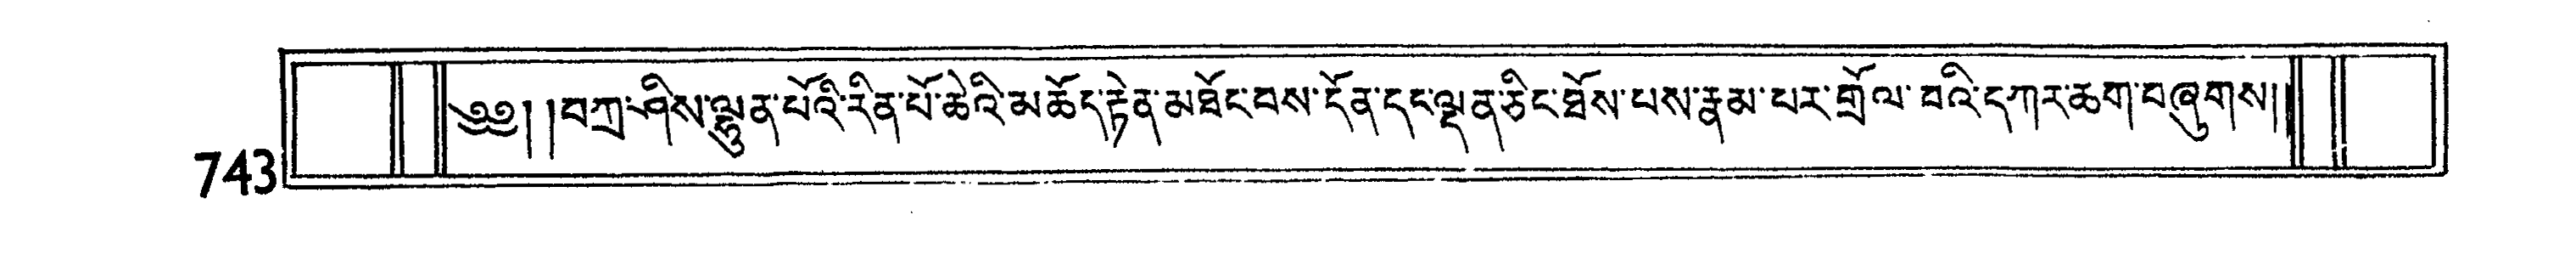༄༅། །བཀྲ་ཤིས་ལྷུན་པོའི་རིན་པོ་ཆེའི་མཆོད་རྟེན་མཐོང་བས་དོན་དང་ལྡན་ཅིང་ཐོས་པས་རྣམ་པར་གྲོལ་བའི་དཀར་ཆག་བཞུགས། །